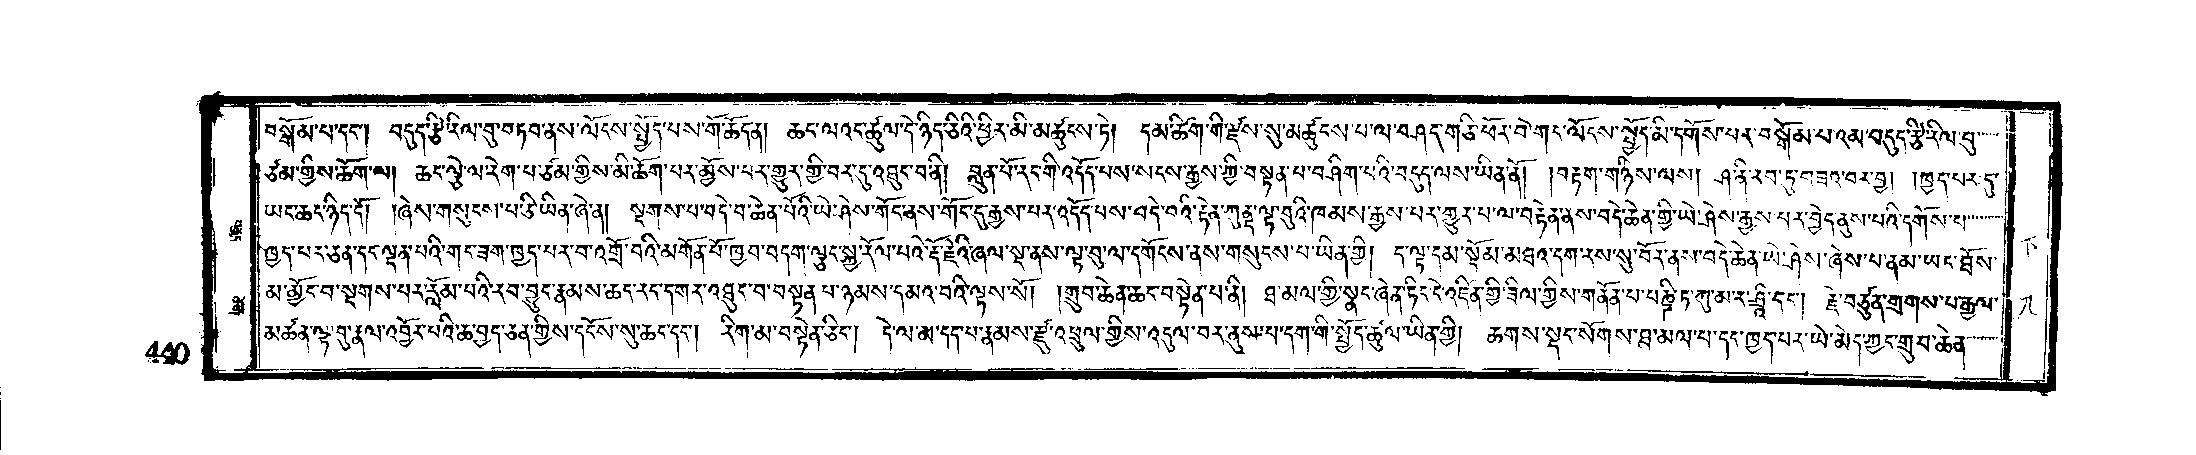བསྒོམ་པ་དང་། བདུད་རྩི་རིལ་བུ་བཏབ་ནས་ལོངས་སྤྱོད་པས་གོ་ཆོད་ན། ཆང་ལའང་ཚུལ་དེ་ཉིད་ཅིའི་ཕྱིར་མི་མཚུངས་ཏེ། དམ་ཚིག་གི་རྫས་སུ་མཚུངས་པ་ལ་བཤང?་གཅི་ཕོར་བེ་གང་ལོངས་སྤྱོད་མི་དགོས་པར་བསྒོམ་པ་འམ་བདུད་རྩི་རིལ་བུ་
ཙམ་གྱིས་ཆོག་ལ། ཆང་ལྕེ་ལ་རེག་པ་ཙམ་གྱིས་མི་ཆོག་པར་མྱོས་པར་གྱུར་གྱི་བར་དུ་འཐུང་བ་ནི། བླུན་པོ་རང་གི་འདོད་པས་སངས་རྒྱས་ཀྱི་བསྟན་པ་བཤིག་པའི་བདུད་ལས་ཡིན་ནོ། །བརྟག་གཉིས་ལས། ཤ་ནི་རབ་ཏུ་བཟའ་བར་བྱ། །ཁྱད་པར་དུ་
ཡང་ཆང་ཉིད་དོ། །ཞེས་གསུངས་པ་ཅི་ཡིན་ཞེ་ན། སྔགས་པ་བདེ་བ་ཆེན་པོའི་ཡེ་ཤེས་གོང་ནས་གོང་དུ་རྒྱས་པར་འདོད་པས་བདེ་བའི་རྟེན་ཀུནྡ་ལྟ་བུའི་ཁམས་རྒྱས་པར་གྱུར་པ་ལ་བརྟེན་ནས་བདེ་ཆེན་གྱི་ཡེ་ཤེས་རྒྱས་པར་བྱེད་ནུས་པའི་དགོས་པ་
ཁྱད་པར་ཅན་དང་ལྡན་པའི་གང་ཟག་ཁྱད་པར་བ་འགྲོ་བའི་མགོན་པོ་ཁྱབ་བདག་ལྕང་སྐྱ་རོལ་པའི་རྡོ་རྗེའི་ཞལ་སྔ་ནས་ལྟ་བུ་ལ་དགོངས་ནས་གསུངས་པ་ཡིན་གྱི། ད་ལྟ་དམ་སྡོམ་མཐའ་དག་རས་སུ་བོར་ནས་བདེ་ཆེན་ཡེ་ཤེས་ཞེས་པ་ནམ་ཡང་ཐོས་
མ་མྱོང་བ་སྔགས་པར་རློམ་པའི་རབ་བྱུང་རྣམས་ཆང་རང་དགར་འཐུང་བ་བསྟན་པ་ཉམས་དམའ་བའི་ལྟས་སོ། །གྲུབ་ཆེན་ཆང་བསྟེན་པ་ནི། ཐ་མལ་གྱི་སྣང་ཞེན་ཏིང་ངེ་འཛིན་གྱི་ཟིལ་གྱིས་གནོན་པ་པཎྜི་ཏ་ཀུ་མ་ར་ཤྲཱི་དང་། རྗེ་བཙུན་གྲགས་པ་རྒྱལ་
མཚན་ལྟ་བུ་རྣལ་འབྱོར་པའི་ཆ་བྱད་ཅན་གྱིས་དངོས་སུ་ཆང་དང་། རིག་མ་བསྟེན་ཅིང་། དེ་ལ་མ་དད་པ་རྣམས་རྫུ་འཕྲུལ་གྱིས་འདུལ་བར་ནུས་པ་དག་གི་སྤྱོད་ཚུལ་ཡིན་གྱི། ཆགས་སྡང་སོགས་ཐ་མལ་པ་དང་ཁྱད་པར་ཡེ་མེད་ཀྱང་གྲུབ་ཆེན་